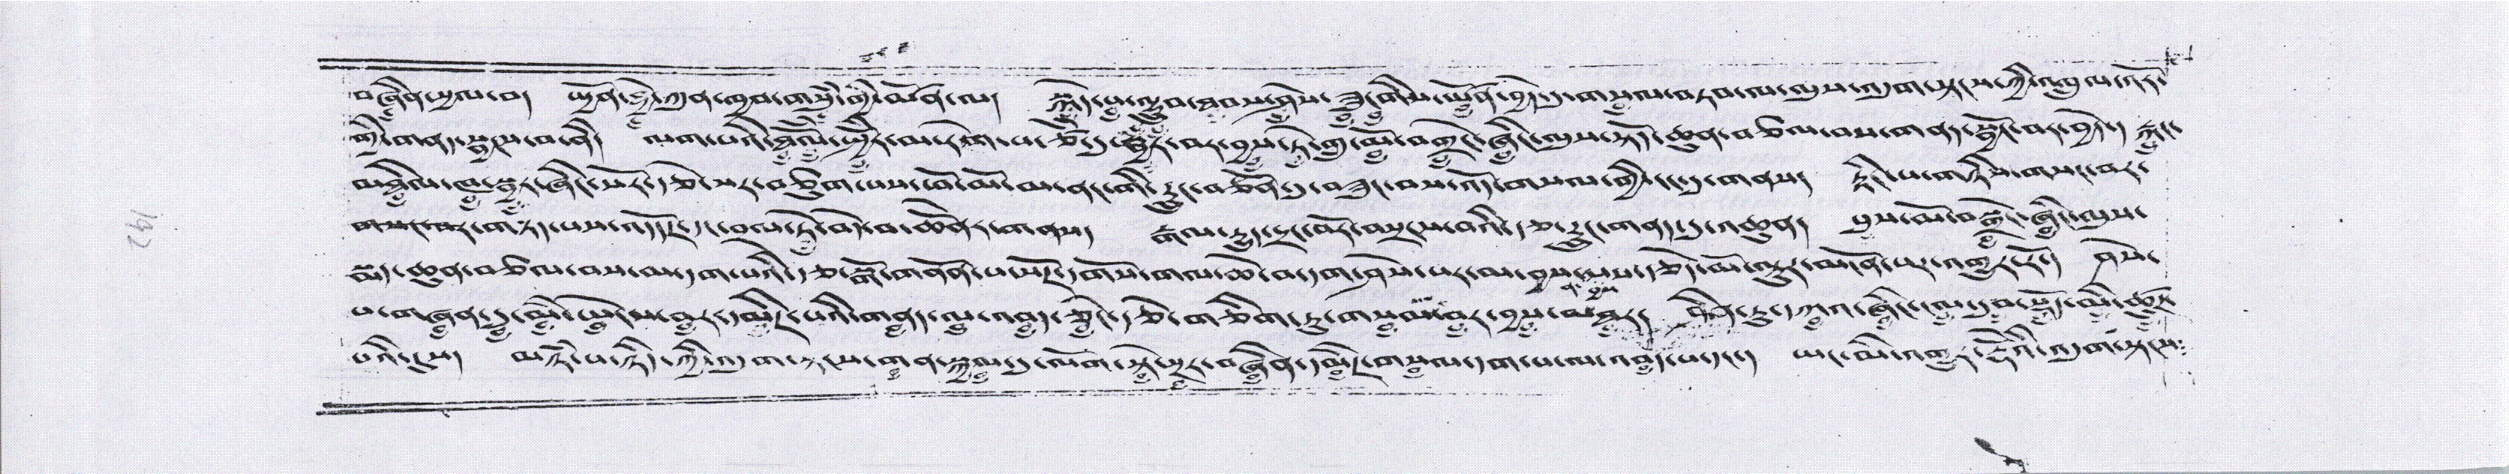བཞིན་གསལ་བ། གཡོན་ཐུགས་རྗེ་ཀུན་ཁྱབ་གསུམ་གྱིས་མཚོན་ལ། རྐེད་པ་ལྷུན་གྲུབ་ཐབས་ཤེས་ཟུང་འཇུག་གིས་མཚོན་བྱེད་དུ་གསལ་བཏབ་ལ་ལུས་འདུག་སྟངས་ཀྱི་འཁྲུལ་འཁོར་
གྱི་གནད་སྦྱངས་པ་ནི། ལག་པའི་ཐལ་མོ་སྤྱི་བོར་མ་རེག་པ་ཙམ་དུ་སྦྱར་བར་བྱས་ཏེ་གྲུ་མོ་འགྲེང་ཞིང་ལུས་སྟོད་ཆུན་བཙལ་བས་གནད་སྦྱོང་བར་བྱེད། རྐང་
མཐིལ་ཁ་སྦྱར་ཞིང་སོར་རྩེ་སར་བཙུགས་པས་ཕོ་མོ་མ་ནིང་གི་རླུང་བཙོན་དུ་བཟུང་བས་འོད་གསལ་གྱི་ངང་དུ་གནས། རྟིང་པ་གཉིས་གསང་བར་
གཏད་པས་འདོད་ཆགས་དང་བྲལ་ཏེ་བདེ་བ་ཆེན་པོར་གནས། རྒལ་རྒྱུད་དྲང་པོར་བསྲང་བས་རྩ་རླུང་གནད་དུ་འཆུན། པུས་མོ་བསྒྲེང་ཞིང་ལུས་
སྨད་ཆུན་བཙལ་བས་མ་དག་པའི་རྩ་སྒོ་གནོན་པ་སོགས་དགོས་གལ་ཆེ་བ་དག་ཤེས་པར་མ་བྱས་ན་བྱིས་པའི་རྩེད་མོ་ལྟ་བུར་མངོན་པར་འགྱུར་རོ། ཤེས་
པ་གཞན་དུ་མི་ཡེངས་པར་དམིགས་པའི་གནས་ལ་འབད་ཅིང་རྩེ་གཅིག་ཏུ་གསལ་བར་བྱས་མཐར། ཤིན་ཏུ་དཀའ་ཞིང་ངལ་དུབ་སྡོད་མི་ཚུགས་
པའི་དུས། མཉམ་པ་ཉིད་ཀྱི་འདུག་སྟངས་གན་རྐྱལ་དུ་ལོག་སྟེ་སྔར་བཞིན་དམིགས་གསལ་དག་པ་ལ་འབད་པ་དང་། ཡང་མི་འགྱུར་རྡོ་རྗེའི་འདུག་སྟངས་